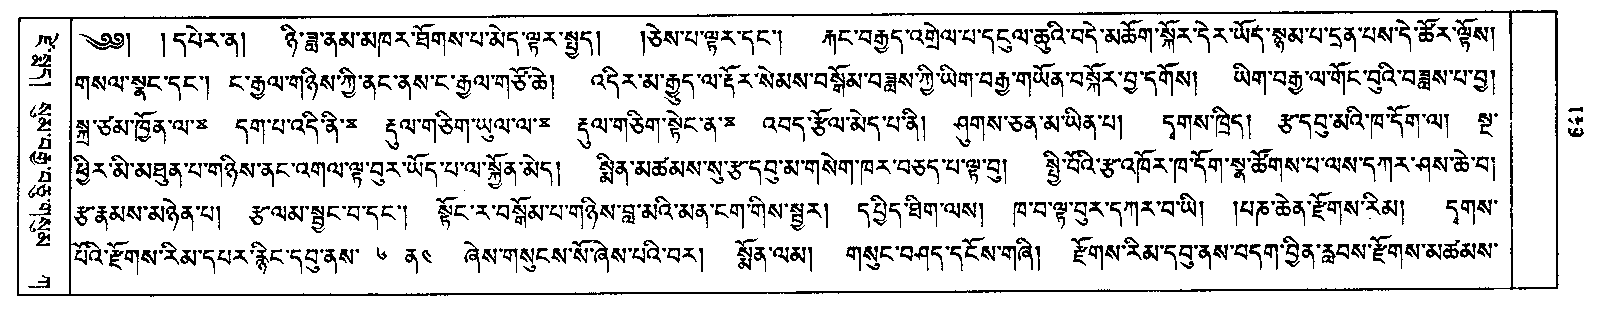༄༅། །དཔེར་ན། ཉི་ཟླ་ནམ་མཁར་ཐོགས་པ་མེད་ལྟར་སྤྱད། །ཅེས་པ་ལྟར་དང་། རྐང་བརྒྱད་འགྲེལ་པ་དངུལ་ཆུའི་བདེ་མཆོག་སྐོར་དེར་ཡོད་སྙམ་པ་དྲན་པས་དེ་ཚོར་ལྟོས།
གསལ་སྣང་དང་། ང་རྒྱལ་གཉིས་ཀྱི་ནང་ནས་ང་རྒྱལ་གཙོ་ཆེ། འདིར་མ་རྒྱུད་ལ་རྡོར་སེམས་བསྒོམ་བཟླས་ཀྱི་ཡིག་བརྒྱ་གཡོན་བསྐོར་བྱ་དགོས། ཡིག་བརྒྱ་ལ་གོང་བུའི་བཟླས་པ་བྱ།
སྐྲ་ཙམ་ཁྱོན་ལ་྾་དག་པ་འདི་ནི་྾་རྡུལ་གཅིག་ཡུལ་ལ་྾་རྡུལ་གཅིག་སྟེང་ན་྾་འབད་རྩོལ་མེད་པ་ནི། ཤུགས་ཅན་མ་ཡིན་པ། དྭགས་ཁྲིད། རྩ་དབུ་མའི་ཁ་དོག་ལ། སྔ་
ཕྱིར་མི་མཐུན་པ་གཉིས་ནང་འགལ་ལྟ་བུར་ཡོད་པ་ལ་སྐྱོན་མེད། སྨིན་མཚམས་སུ་རྩ་དབུ་མ་གསེག་ཁར་བཅད་པ་ལྟ་བུ། སྤྱི་བོའི་རྩ་འཁོར་ཁ་དོག་སྣ་ཚོགས་པ་ལས་དཀར་ཤས་ཆེ་བ།
རྩ་རྣམས་མཉེན་པ། རྩ་ལམ་སྦྱང་བ་དང་། སྟོང་ར་བསྒོམ་པ་གཉིས་བླ་མའི་མན་ངག་གིས་སྦྱར། དཔྱིད་ཐིག་ལས། ཁ་བ་ལྟ་བུར་དཀར་བ་ཡི། །པཎ་ཆེན་རྫོགས་རིམ། དྭགས་
པོའི་རྫོགས་རིམ་དཔར་རྙིང་དབུ་ནས ༦་ན ༤་ཞེས་གསུངས་སོ་ཞེས་པའི་བར། སྨོན་ལམ། གསུང་བཤད་དངོས་གཞི། རྫོགས་རིམ་དབུ་ནས་བདག་བྱིན་རླབས་རྫོགས་མཚམས་